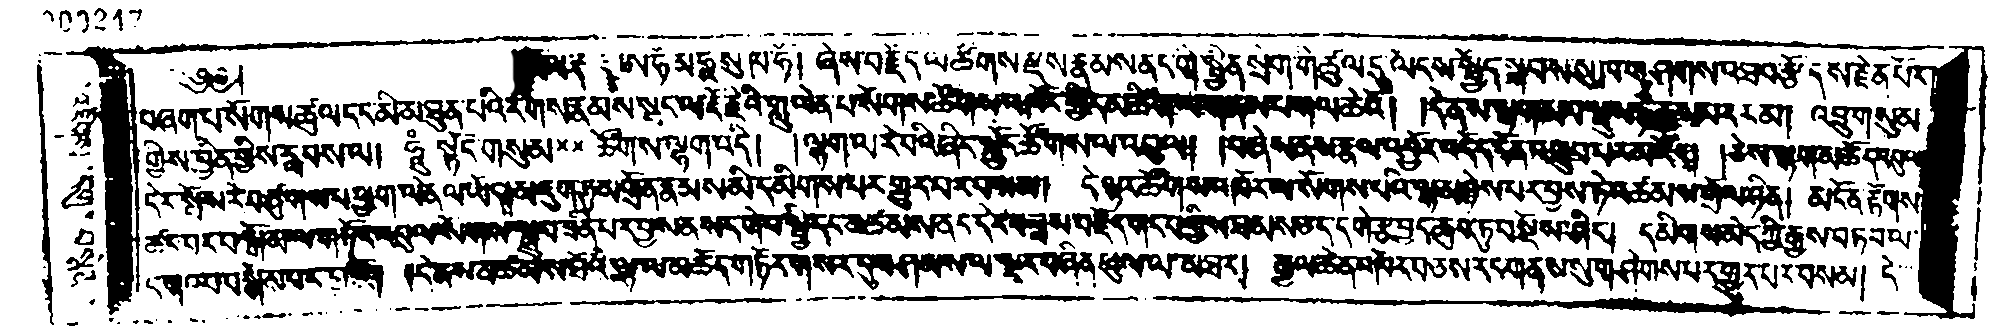༄༅། །རོལ། །ཨ་ཧོ་མ་ཧཱ་སུ་ཁ་ཧོ། །ཞེས་བརྗོད་ལ་ཚོགས་རྫས་རྣམས་ནང་གི་སྦྱིན་སྲེག་གི་ཚུལ་དུ་ལོངས་སྤྱོད་སྐབས་སུ་ཁ་གཤགས་འཐབ་རྩོད་ས་རྗེན་པོར་
བཞག་པ་སོགས་ཚུལ་དང་མི་མཐུན་པའི་རིགས་རྣམས་སྤང་ལ་རྡོ་རྗེའི་གླུ་ལེན་པ་སོགས་ཚོགས་འཁོར་གྱི་དམ་ཚིག་ལ་གནས་པ་གལ་ཆེའོ། །དེ་ནས་ལྷག་མ་བསྡུས་ཏེ་རྒྱས་པར་རམ། འབྲུ་གསུམ་
གྱིས་བྱིན་གྱིས་རླབས་ལ། ཧཱུཾ་སྟོང་གསུམ྾྾་ཚོགས་ལྷག་འདི། །ལྷག་ལ་རེ་བའི་ཞིང་སྐྱོང་ཚོགས་ལ་འབུལ། །བཞེས་ནས་རྣལ་འབྱོར་འདོད་དོན་འགྲུབ་པར་མཛོད། །ཅེས་ལྷག་མཆོད་འབུལ།
དེར་སྤོས་རེ་བཙུགས་པ་ཕྱག་ལེན་ལ་ཡོད། མཇུག་ཏུ་མགྲོན་རྣམས་མི་དམིགས་པར་གྱུར་བར་བསམ། དེ་ལྟར་ཚོགས་འཁོར་ལ་སོགས་པའི་ལྷ་མཉེས་པར་བྱས་ཏེ་འཚམས་གྲོལ་ཉིན། མངོན་རྟོགས་
ཚང་བར་བསྒོམ་ལ་གཏོར་འབུལ་སོགས་སྒྲུབ་ཟིན་པར་བྱས་ནས་དགེ་བ་སྤྱི་དང་མཚམས་ནང་དེར་བཟླས་བརྗོད་གང་བགྱིས་ཐམས་ཅད་དགེ་རྩ་བྱང་ཆུབ་ཏུ་བསྔོས་ཤིང་། དམིགས་མེད་ཀྱི་རྒྱས་བཏབ་ལ་
དགའ་བ་བསྒོམ་པར་བྱའོ། །དེ་ནས་མཚམས་ཐོའི་ལྷ་ལ་མཆོད་གཏོར་གསར་དུ་བཤམས་ལ་སྔར་བཞིན་ཕུལ་ལ་མཐར། རྒྱལ་ཆེན་འཁོར་བཅས་རང་གནས་སུ་གཤེགས་པར་གྱུར་པར་བསམ། དེ་